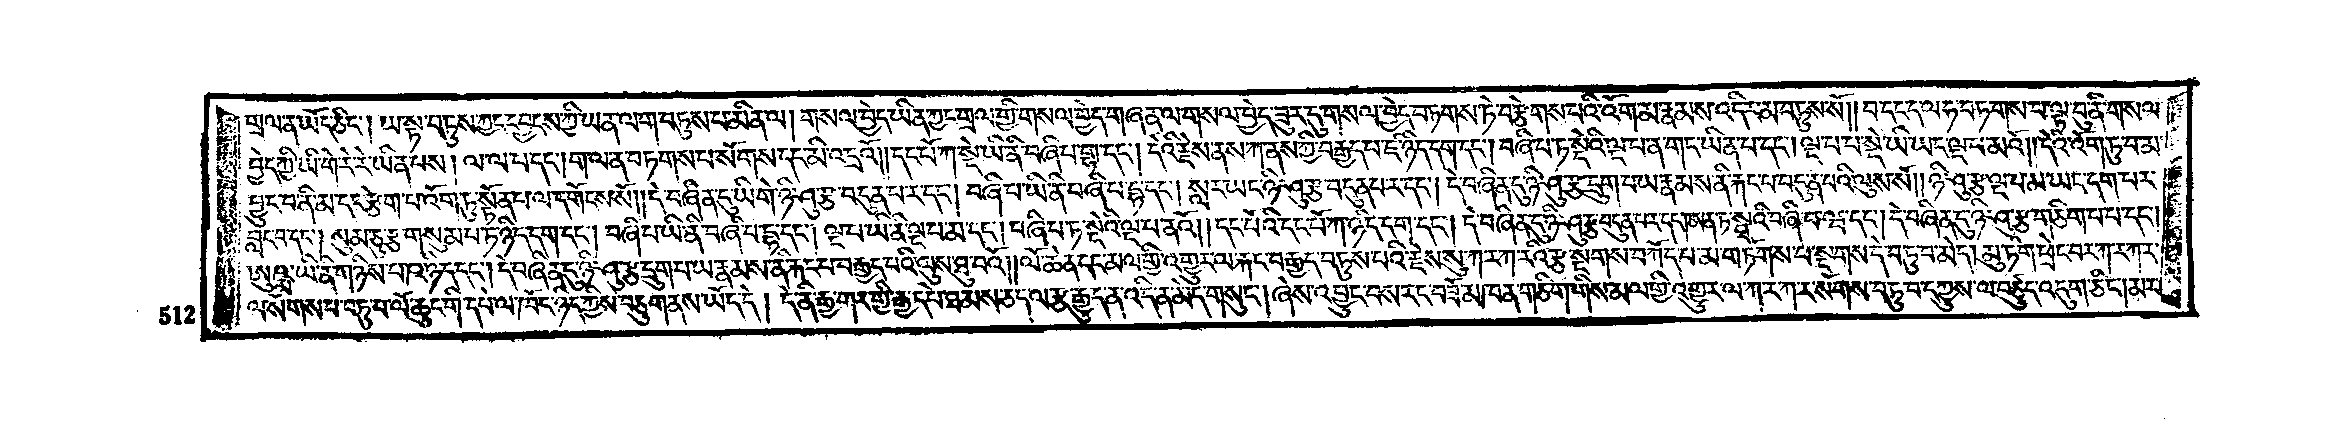གྲལ་ན་ཡོད་ཅིང་། ཡ་སྟ་བཏུས་ཀྱང་དབྱངས་ཀྱི་ཡན་ལག་བཏུས་པ་མིན་ལ། གསལ་བྱེད་ཡིན་ཀྱང་གྲལ་གྱི་གསལ་བྱེད་གཞན་ལ་གསལ་བྱེད་ཟུར་དུ་གསལ་བྱེད་བཏགས་ཏེ་བརྩེགས་པའི་འོག་མ་རྣམས་འདིར་མ་བཏུས་སོ། །བ་དང་ད་ལ་ཧ་བཏགས་པ་ལྟ་བུ་ནི་གསལ་
བྱེད་ཀྱི་ཡི་གེ་རེ་རེ་ཡིན་པས། ལ་ལ་པ་དང་། ག་ལ་ན་བཏགས་པ་སོགས་དང་མི་འདྲའོ། །དང་པོ་ཀ་སྡེ་ཡི་ནི་བཞི་པ་གྷ་དང་། དེའི་རྗེས་ནས་ཀ་ནས་ཀྱི་བརྒྱད་པ་ཛ་ཉིད་དག་དང་། བཞི་པ་ཏ་སྡེའི་ལྔ་པ་ན་གང་ཡིན་པ་དང་། ལྔ་པ་པ་སྡེ་ཡི་ཡང་ལྔ་པ་མའོ། །དེའི་འོག་ཏུ་བ་མ་
བྱུང་བ་ནི་མ་དང་རྩེག་པ་འོག་ཏུ་སྟོན་པ་ལ་དགོངས་སོ། །དེ་བཞིན་དུ་ཡི་གེ་ཉི་ཤུ་རྩ་བདུན་པ་ར་དང་། བཞི་པ་ཡི་ནི་བཞི་པ་དྷ་དང་། སླར་ཡང་ཉི་ཤུ་རྩ་བདུན་པ་ར་དང་། དེ་བཞིན་དུ་ཉི་ཤུ་རྩ་དྲུག་པ་ཡ་རྣམས་ནི་རྐང་པ་བདུན་པའི་ལུས་སོ། །ཉི་ཤུ་རྩ་ལྔ་པ་མ་ཡང་དག་པར་
བླང་བ་དང་། སུམ་ཅུ་རྩ་གསུམ་པ་ཏ་ཉིད་དག་དང་། བཞི་པ་ཡི་ནི་བཞི་པ་དྷ་དང་། ལྔ་པ་ཡི་ནི་ལྔ་པ་མ་དང་། བཞི་པ་ཏ་སྡེའི་ལྔ་པ་ནའོ། །དང་པོའི་དང་པོ་ཀ་ཉིད་དག་དང་། དེ་བཞིན་དུ་ཉི་ཤུ་རྩ་བདུན་པ་ར་དང་། ཨན་ཏ་སྠའི་བཞི་པ་ཝ་དང་། དེ་བཞིན་དུ་ཉི་ཤུ་རྩ་གཅིག་པ་པ་དང་།
ཨུཥྨ་ཡི་ནི་གཉིས་པ་ཥ་ཉིད་དང་། དེ་བཞིན་དུ་ཉི་ཤུ་རྩ་དྲུག་པ་ཡ་རྣམས་ནི་རྐང་པ་བརྒྱད་པའི་ལུས་ཐུ་བའོ། །ལོ་ཆེན་དང་མལ་གྱི་འགྱུར་ལ་རྐང་བརྒྱད་བཏུས་པའི་རྗེས་སུ་ཀ་ར་ཀ་རའི་རྩ་སྔགས་བཀོད་པ་མ་གཏོགས་པ་སྔགས་དེ་བཏུ་བ་མེད། མུ་ཏིག་ཕྲེང་བར་ཀ་ར་ཀ་ར་
ལ་སོགས་པ་བཏུ་བ་ལོ་ཆུང་གི་དཔེ་ལ་ཁོང་ཉིད་ཀྱིས་བཅུག་ནས་ཡོད་དེ། དེ་ནི་རྒྱ་གར་གྱི་རྒྱ་དཔེ་ཐམས་ཅད་ལ་རྩ་རྒྱུད་ན་འདི་ན་མེད་གསུང་། ཞེས་འབྱུང་བས་རང་བཟོ་མཁན་གཅིག་གིས་མལ་གྱི་འགྱུར་ལ་ཀ་ར་ཀ་ར་སོགས་བཏུ་བ་དཀྱུས་ལ་བཙུད་འདུག་ཅིང་། མར་